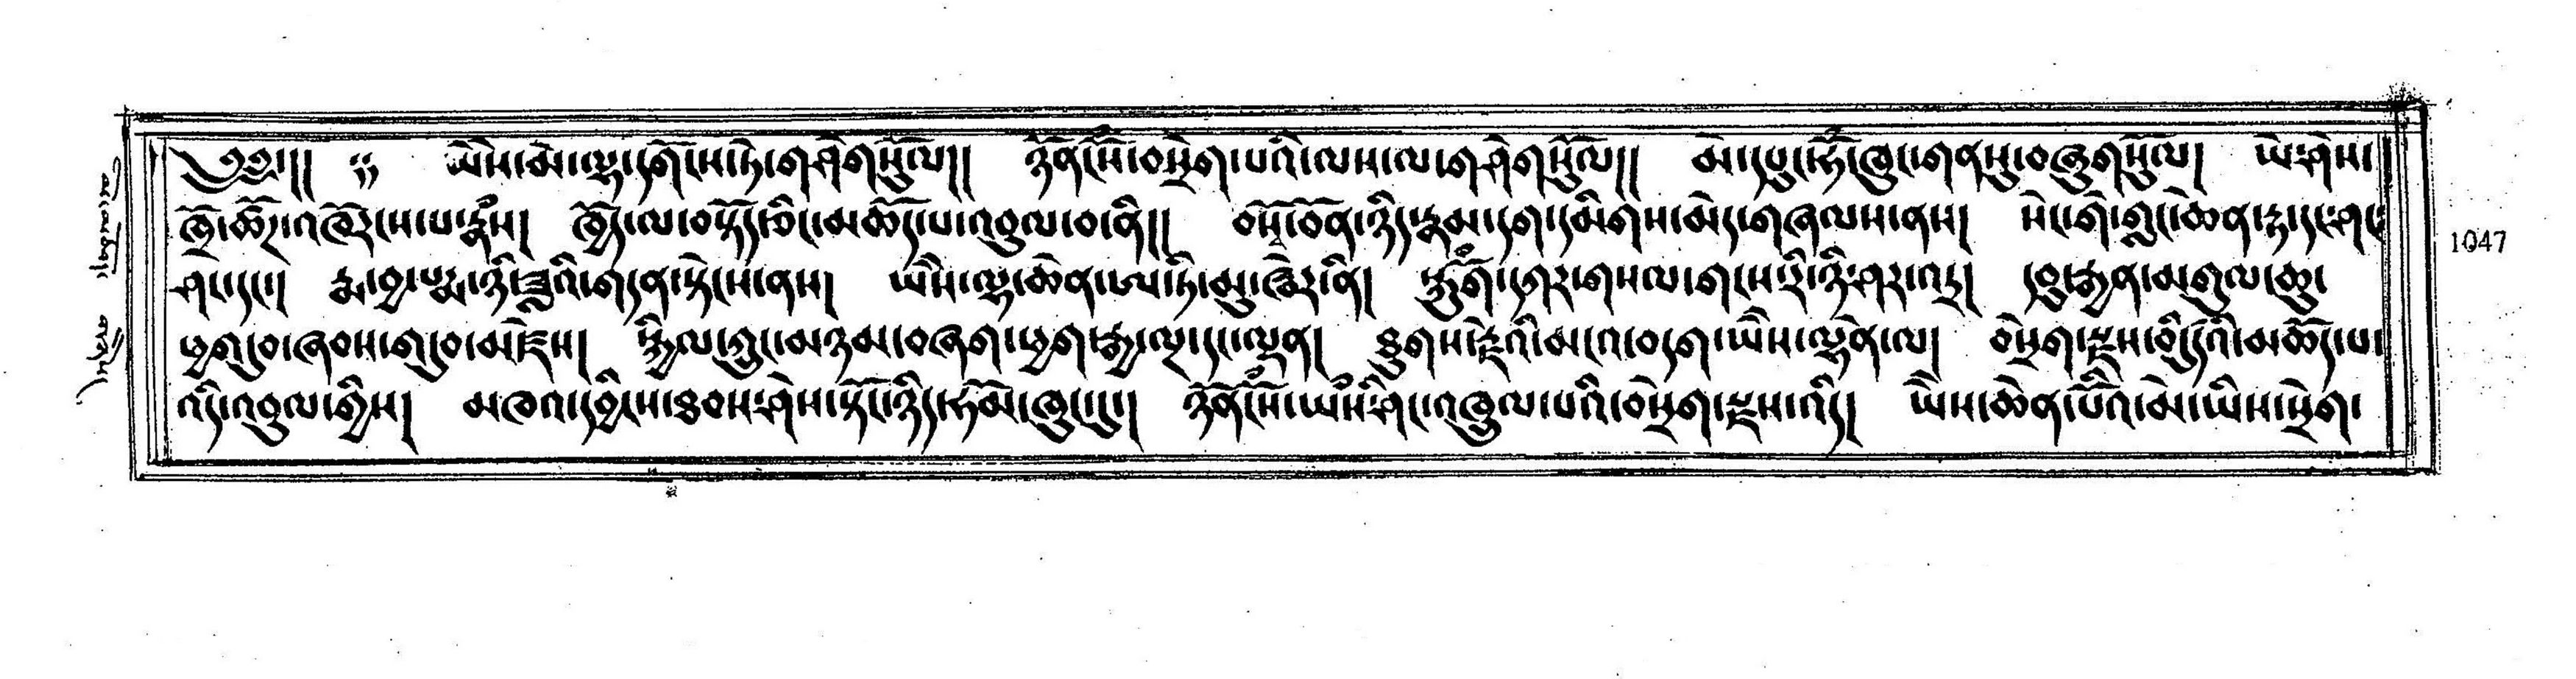ཡེ་ཤེས་མེ་ལྷ་དགོངས་ཏེ་གཤེགས་སུ་གསོལ།། ཉོན་མོངས་བསྲེག་པའི་ལས་ལ་གཤེགས་སུ་གསོལ།། མེ་དཔུང་ཧོམ་ཁུང་གནས་སུ་བཞུགས་སུ་གསོལ། ཡེ་ཤེས་
ཁྲོ་ཚོགས་འཁོར་དང་བཅས་པ་རྣམས། ཁྱོད་ལ་བསྟོད་ཅིང་མཆོད་པ་འབུལ་བ་ནི།། བསྭོ་བོན་ཉིད་རྣམ་དག་དམིགས་མེད་གཞལ་ཡས་ནས། སེང་གེ་གླང་ཆེན་རྟ་དང་ཤང་
ཤང་དང་། རྨ་བྱ་པདྨ་ཉི་ཟླའི་གདན་སྟེངས་ནས། ཡེ་ཤེས་ལྷ་ཆེན་ཨ་ཏི་མུ་ཝེར་ནི། སྐུ་མདོག་དཀར་གསལ་གངས་རི་ཉི་ཤར་འདྲ། དབུ་རྒྱན་མགུལ་ཆུ་
ཕྱག་གདུབ་ཞབས་གདུབ་མཛེས། སྐྱིལ་ཀྲུང་མཉམ་བཞག་ཕྱག་རྒྱ་ལྔ་དང་ལྡན། ཐུགས་རྗེའི་མངའ་བདག་ཡེ་ཤེས་ལྷ་ཆེན་ལ། བསྲེག་རྫས་བདུད་རྩིའི་མཆོད་པ་
འདི་འབུལ་གྱིས། མཁའ་དབྱིངས་ཐབས་ཤེས་སྟོང་ཉིད་ཧོམ་ཁུང་དུ། ཉོན་མོངས་ཡམས་ཤིང་འཁྲུལ་པའི་བསྲེག་རྫས་འདི། ཡེ་ཤེས་ཆེན་པོའི་མེ་ཡིས་སྲེག་